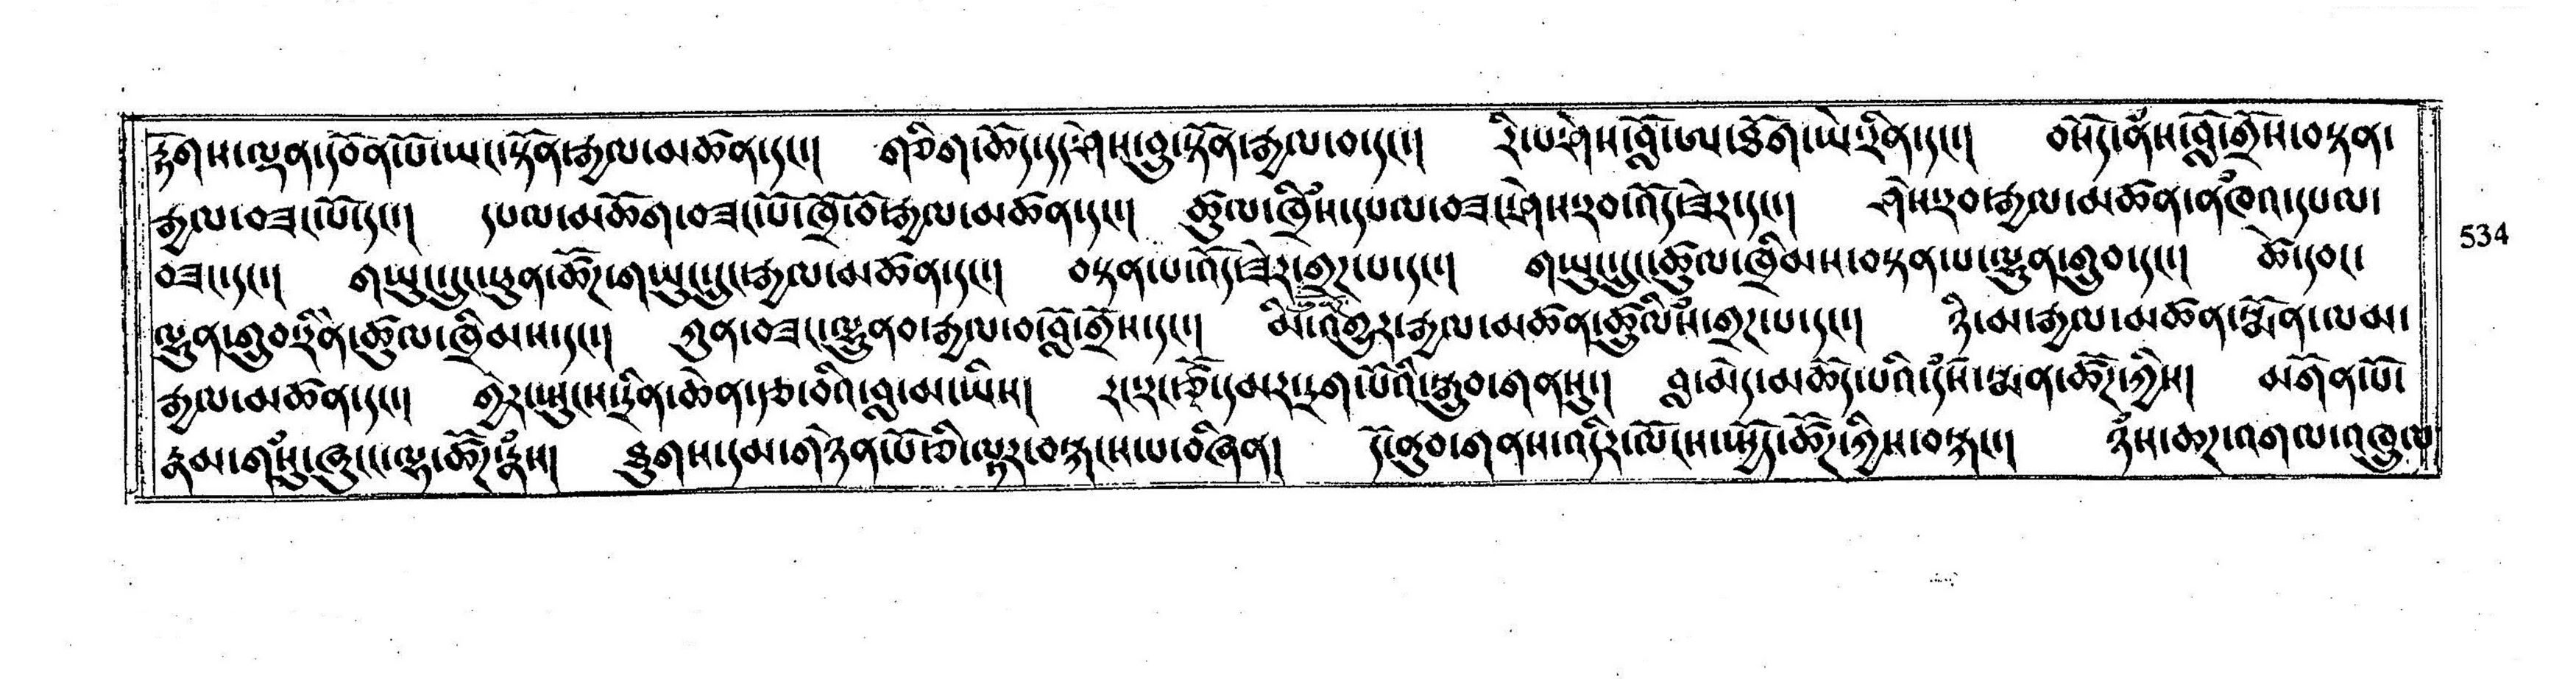རྟོགས་ལྡན་དབོན་པོ་ཡང་སྟོན་རྒྱལ་མཚན་དང་། གཅིག་ཆོད་དད་ཤེས་བྲུ་སྟོན་རྒྱལ་བ་དང་། རི་པ་ཤེས་བློ་ཨ་ཐོག་ཡེ་རིན་དང་། བསོད་ནམས་བློ་གྲོས་བསྟན་
རྒྱལ་བཟང་པོ་དང་། དཔལ་མཆོག་བཟང་པོ་ཁྲོ་བོ་རྒྱལ་མཚན་དང་། ཚུལ་ཁྲིམས་དཔལ་བཟང་ཤེས་རབ་འོད་ཟེར་དང་། ཤེས་རབ་རྒྱལ་མཚན་ནམ་མཁའ་དཔལ་
བཟང་དང་། གཡུང་དྲུང་ཕུན་ཚོགས་གཡུང་དྲུང་རྒྱལ་མཚན་དང་། བསྟན་པ་འོད་ཟེར་ཕུན་ཚོགས་གྲགས་པ་དང་། གཡུང་དྲུང་ཚུལ་ཁྲིམས་བསྟན་པ་ལྷུན་གྲུབ་དང་། ཚེ་དབང་
ལྷུན་གྲུབ་རིན་ཆེན་ཚུལ་ཁྲིམས་དང་། ཀུན་བཟང་ལྷུན་གྲུབ་རྒྱལ་བ་བློ་གྲོས་དང་། མི་འགྱུར་རྒྱལ་མཚན་ཚུལ་ཁྲིམས་གྲགས་པ་དང་། ཉི་མ་རྒྱལ་མཚན་སྨོན་ལམ་
རྒྱལ་མཚན་དང་། གྱེར་སྤུངས་དྲིན་ཆེན་རྩ་བའི་བླ་མ་ཡིས། རང་རང་ཙྭོ་དམར་དྲག་པོའི་སྒྲུབ་གནས་སུ། བླ་མེད་མཆོད་པའི་དམ་རྫས་སྨན་ཚོགས་ཀྱིས། མགོན་པོ་
རྣམ་གསུམ་ཞང་ཞུང་ལྷ་ཚོགས་རྣམས། ཐུགས་དམ་གཉེན་པོ་ཅི་ལྟར་བསྐངས་པ་བཞིན། དོ་ནུབ་གནས་འདིར་ལོངས་སྤྱོད་ཚོགས་ཀྱིས་བསྐང་། ཉམས་ཆགས་འགལ་འཁྲུལ་